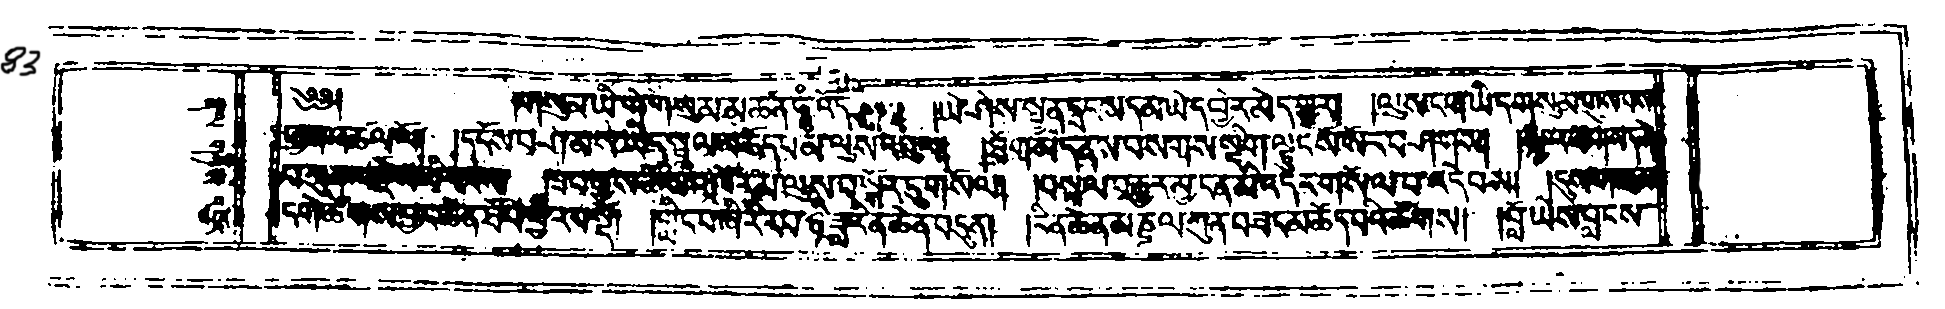༄༅། །གསུམ་ཡི་གེ་གསུམ་མཚན་ཧཱུཾ་འོད་ཀྱིས། །ཡེ་ཤེས་སྤྱན་དྲངས་དམ་ཡི་དབྱེར་མེད་གྱུར། །ལུས་ངག་ཡིད་གསུམ་གུས་པས་
ཕྱག་འཚལ་ལོ། །དངོས་བཤམས་ཡིད་སྤྲུལ་མཆོད་པ་མ་ལུས་འབུལ། །ཐོག་མེད་ནས་བསགས་སྡིག་ལྟུང་སོ་སོར་བཤགས། །སྐྱེ་འཕགས་དགེ་
བ་ཀུན་ལ་རྗེས་ཡི་རངས། །ཟབ་རྒྱས་ཆོས་འཁོར་མ་ལུས་བསྐོར་དུ་གསོལ། །བསྐལ་བརྒྱར་མྱ་ངན་མི་འདར་གསོལ་བ་འདེབས། །དུས་གསུམ་
དགེ་ཚོགས་བྱང་ཆེན་ཐོབ་ཕྱིར་བསྔོ། །གླིང་བཞི་རི་རབ་ཉི་ཟླ་རིན་ཆེན་བདུན། །རིན་ཆེན་མཎྜལ་ཀུན་བཟང་མཆོད་པའི་ཚོགས། །བློ་ཡིས་བླངས་